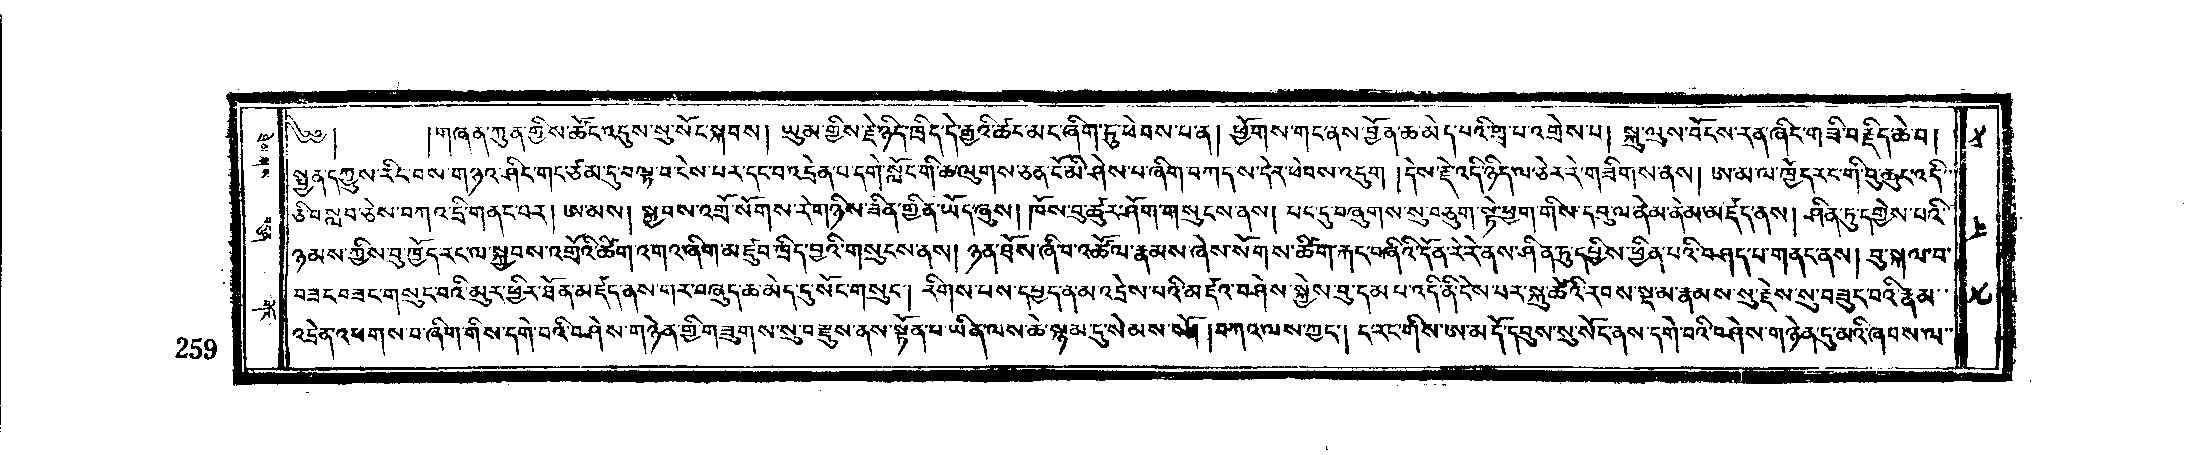༄༅། །གཞན་ཀུན་གྱིས་ཚོང་འདུས་སུ་སོང་སྐབས། ཡུམ་གྱིས་རྗེ་ཉིད་ཁྲིད་དེ་རྒྱའི་ཚང་མང་ཞིག་ཏུ་ཕེབས་པ་ན། ཕྱོགས་གང་ནས་བྱོན་ཆ་མེད་པའི་གྲྭ་པ་འགྲེས་པ། སྐུ་ལུས་བོངས་རན་ཞིང་གཟི་བརྗིད་ཆེ་བ།
སྤྱན་དཀྱུས་རིང་བས་གཉའ་ཤིང་གང་ཙམ་དུ་བལྟ་བ་ངེས་པར་དང་བ་འདྲེན་པ་དགེ་སློང་གི་ཆ་ལུགས་ཅན་ངོ་མི་ཤེས་པ་ཞིག་བཀད་ས་དེར་ཕེབས་འདུག །དེས་རྗེ་འདི་ཉིད་ལ་ཅེར་རེ་གཟིགས་ནས། ཨ་མ་ལ་ཁྱོད་རང་གི་བུ་ཆུང་འདི་
ཅི་བསླབ་ཅེས་བཀའ་དྲི་གནང་བར། ཨ་མས། སྐྱབས་འགྲོ་སོགས་རེ་གཉིས་ཟིན་གྱིན་ཡོད་ཞུས། ཁོས་བུ་ཚུར་ཤོག་གསུངས་ནས། པང་དུ་བཞུགས་སུ་བཅུག་སྟེ་ཕྱག་གིས་དབུ་ལ་ནེམ་ནེམ་མཛད་ནས། ཤིན་ཏུ་དགྱེས་པའི་
ཉམས་ཀྱིས་བུ་ཁྱོད་རང་ལ་སྐྱབས་འགྲོའི་ཚིག་འགའ་ཞིག་མཛུབ་ཁྲིད་བྱའི་གསུངས་ནས། ཉན་ཐོས་ཞི་བ་འཚོལ་རྣམས་ཞེས་སོགས་ཚིག་རྐང་བཞིའི་དོན་རེ་རེ་ནས་ཤིན་ཏུ་དཔྱིས་ཕྱིན་པའི་བཤད་པ་གནང་ནས། བུ་སྐལ་བ་
བཟང་བཟང་གསུང་བའི་མུར་ཕྱིར་ཐོན་མཛད་ནས་གར་བཞུད་ཆ་མེད་དུ་སོང་གསུང་། རིགས་པས་དཔྱད་ན་མ་འདྲེས་པའི་མཛའ་བཤེས་སྐྱེས་བུ་དམ་པ་འདི་ནི་ངེས་པར་སྐུ་ཚེའི་རབས་སྔ་མ་རྣམས་སུ་རྗེས་སུ་བཟུང་བའི་རྣམ་
འདྲེན་འཕགས་པ་ཞིག་གིས་དགེ་བའི་བཤེས་གཉེན་གྱི་གཟུགས་སུ་བརྫུས་ནས་སྟོན་པ་ཡིན་ལས་ཆེ་སྙམ་དུ་སེམས་སོ། །བཀའ་ལས་ཀྱང་། ང་རང་གིས་ཨ་མདོ་དབུས་སུ་སོང་ནས་དགེ་བའི་བཤེས་གཉེན་དུ་མའི་ཞབས་ལ་